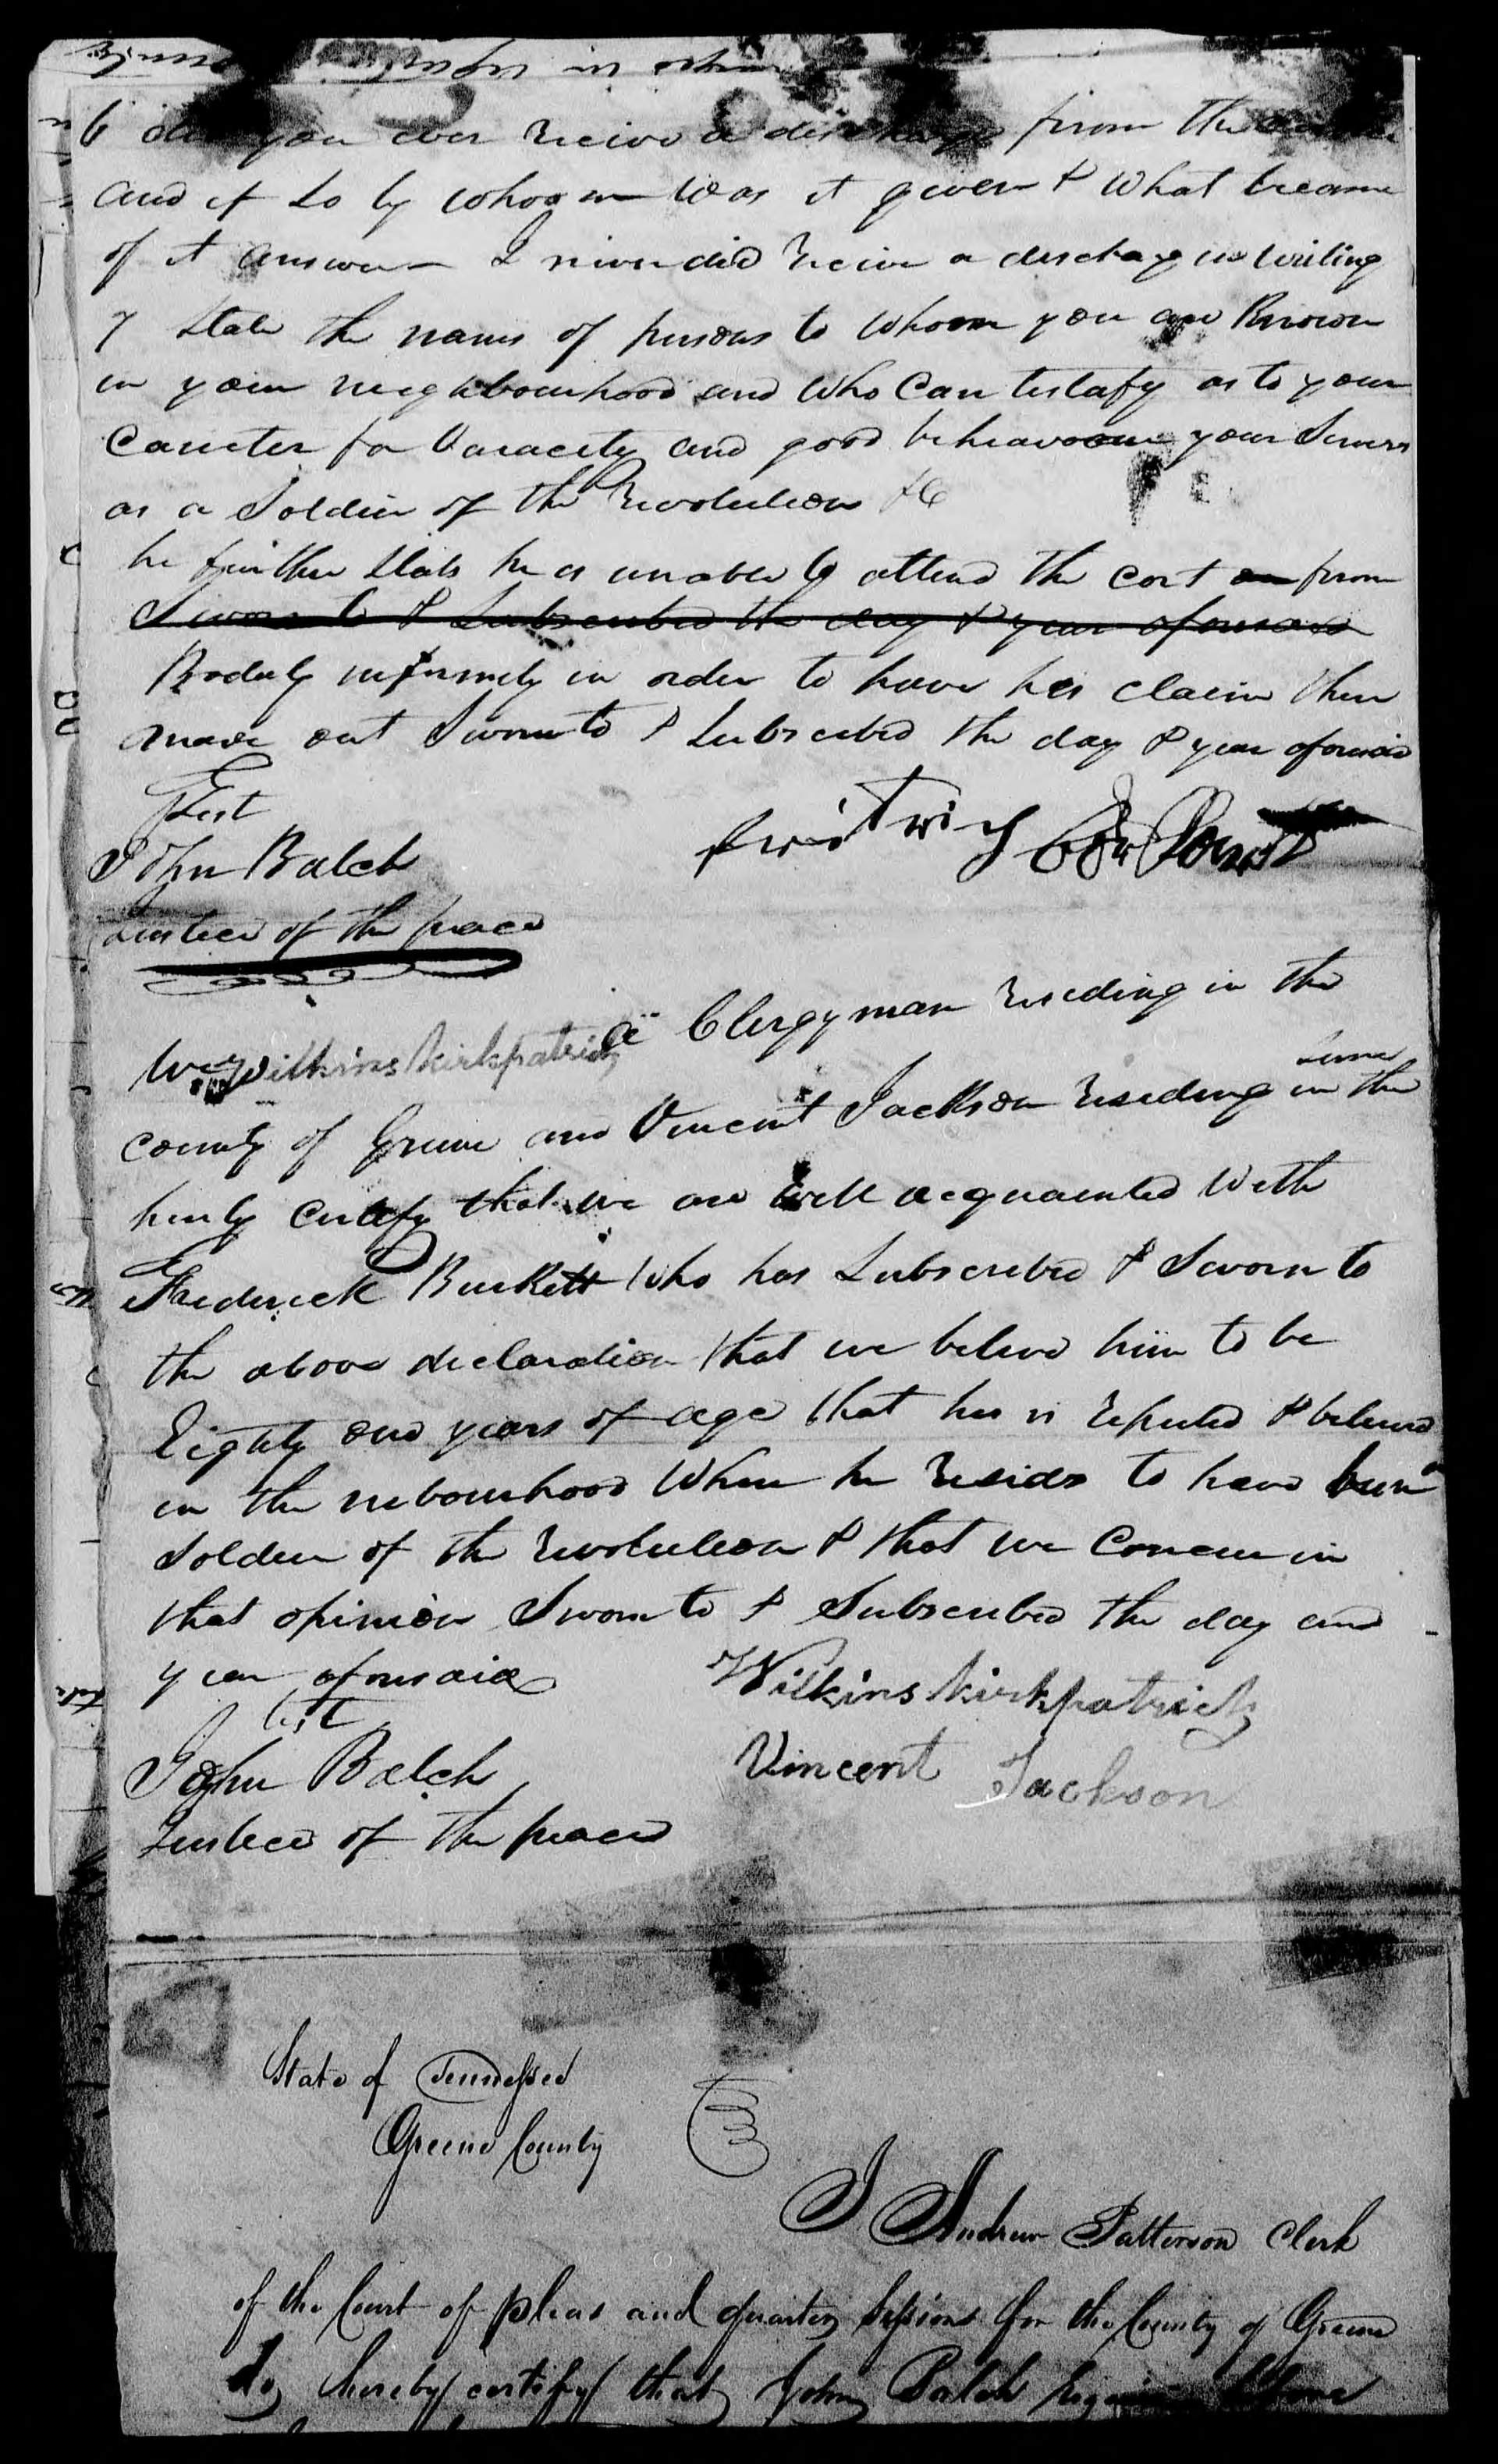(Smudge on top of paper)
can you ever receive a [illegible] from the [illegible] and if so by whom was it given & what became of it answer _ I never did receive a discharge in writing I state the names of persons to whom you are known in your neighborhood and who can tesafy (sic) as to your caricter (sic) for caracity (sic) and good beheavour (sic) your service or a Soldier of the Revolution &c.
he further states he is unable to attend the cort (sic) from (the following is crossed out: I rite & subscribe the day & year aforesaid)
Bodily infirmity in order to have his claim then made out Sworn to & Subscribed (sic) the day & uer aforesaid
Y Sert
John Balch
Justice of the peace
[illegible]

We Wilkins Kirkpatrick, a Clergyman residing in the County of Greene and Vincent Jackson residing in same the hereby certify that we are well acquainted with Frederick Burkett who has subscribed & Sworn to the above declaration that we believe him to be eighty one years of age that he is reputed & believed in the nebourshood (sic) where he resides to have been Soldier of the Revolution & that we concur in that opinion Sworn to & Subscribed the day and year aforesaid
Wilkins Kirkpatrick
Vincent Jackson
John Balch
Justice of the peace

State of Tennessee}
Greene County }
I Andrew Patterson clerk of the Court of pleas and quarter sessions for the County of Green do, hereby certify that John Balch Esq [illegible]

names: Andrew Patterson, Wilkins Kirkpatrick, Wilkins Kirkpatrick, Vincent Jackson, Con Poise, John Balch, John Balch, John Balch, Frederick Burkett, Vincent Jackson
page: 5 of 47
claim: survivor's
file: S. 3102, Frederick Burket, Va.